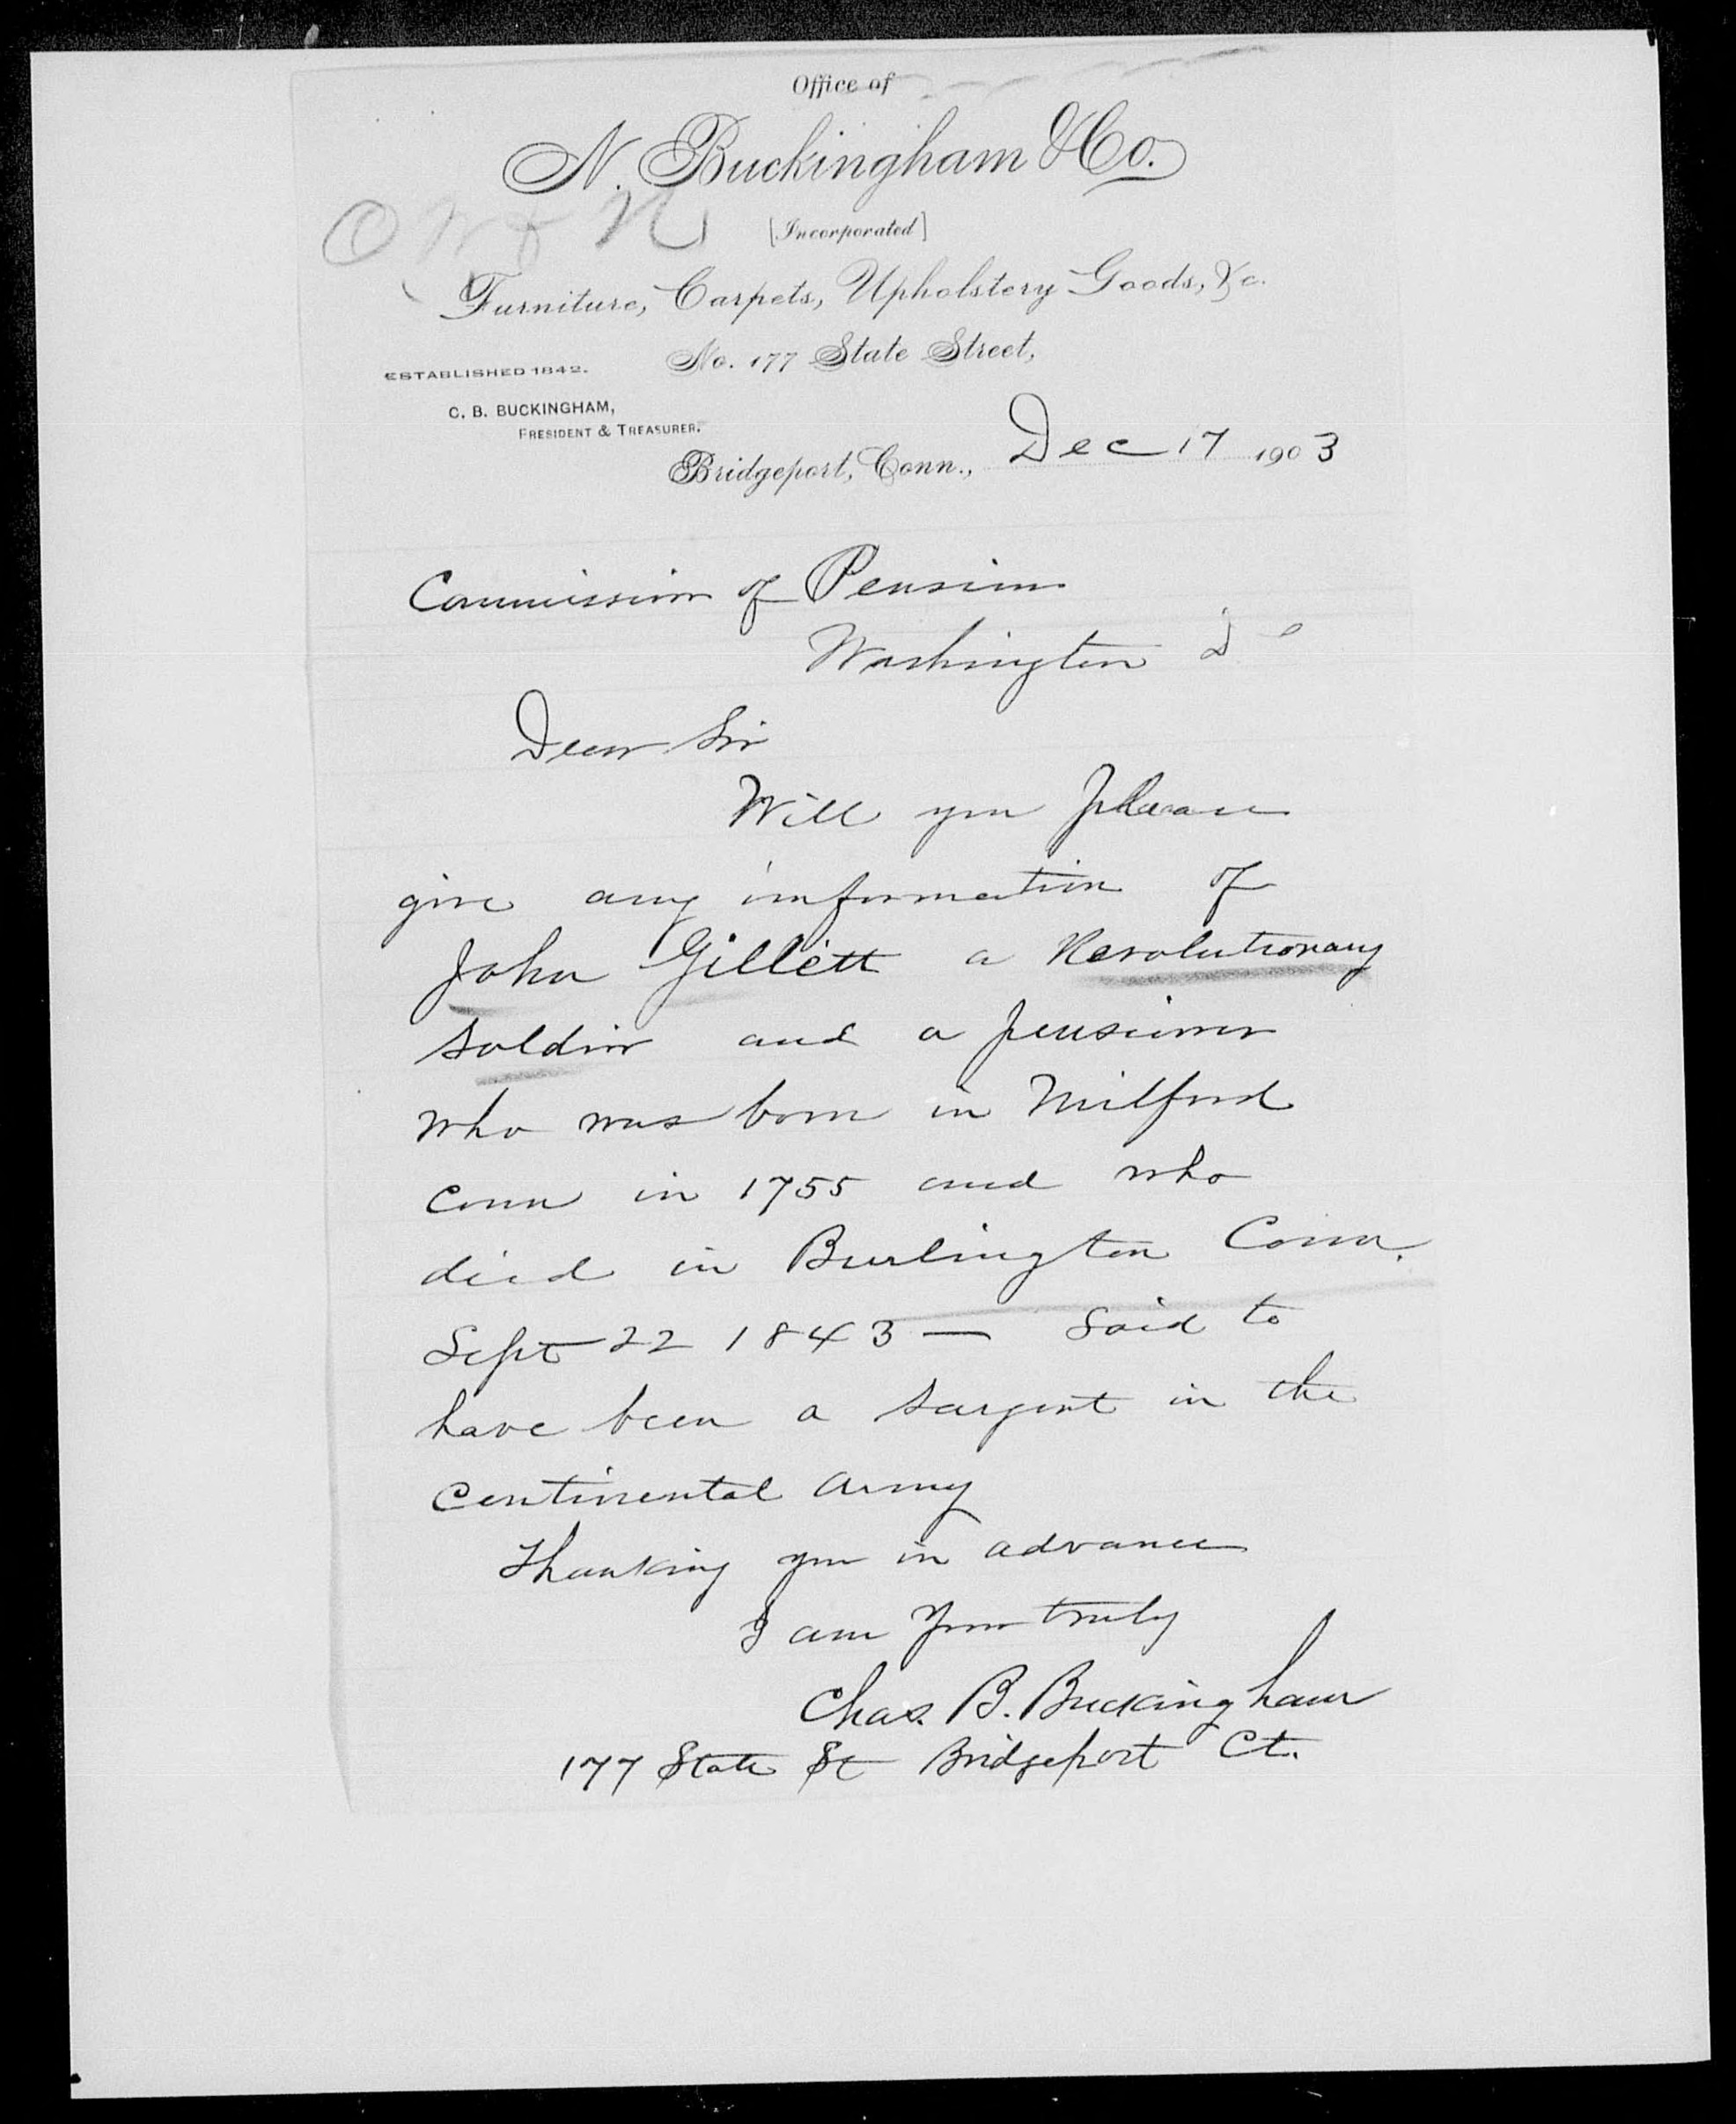Office of
                     N Buckingham & Co.
OW&N              [Incorporated]
         Furniture, Carpets, Upholstery Goods, Etc
                      No. 177 State Street.
ESTABLISHED 1849.
  C.B. BUCKINGHAM,
    President & Treasurer
                   Bridgeport, Conn.   Dec 17 1903

Commissioner of Pension
                  Washington D.C.

Dear Sir
  Will you please give any information of John Gillet a Revolutionary Soldier and a pensioner who was born in Milford Conn in 1755 and who died in Burlington Conn. Sept 22 1843 - said to have been a Sargent in the Continental Army
                            Thanking you in advance
                                  I am yours truly
                               Charles B. Buckingham
                177 State St  Bridgeport Ct.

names: Chas B Buckingham, C B Buckingham, John Gillett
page: 31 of 40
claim: survivor's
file: S. 36,537 And R. 4034, John Gillet, Conn.